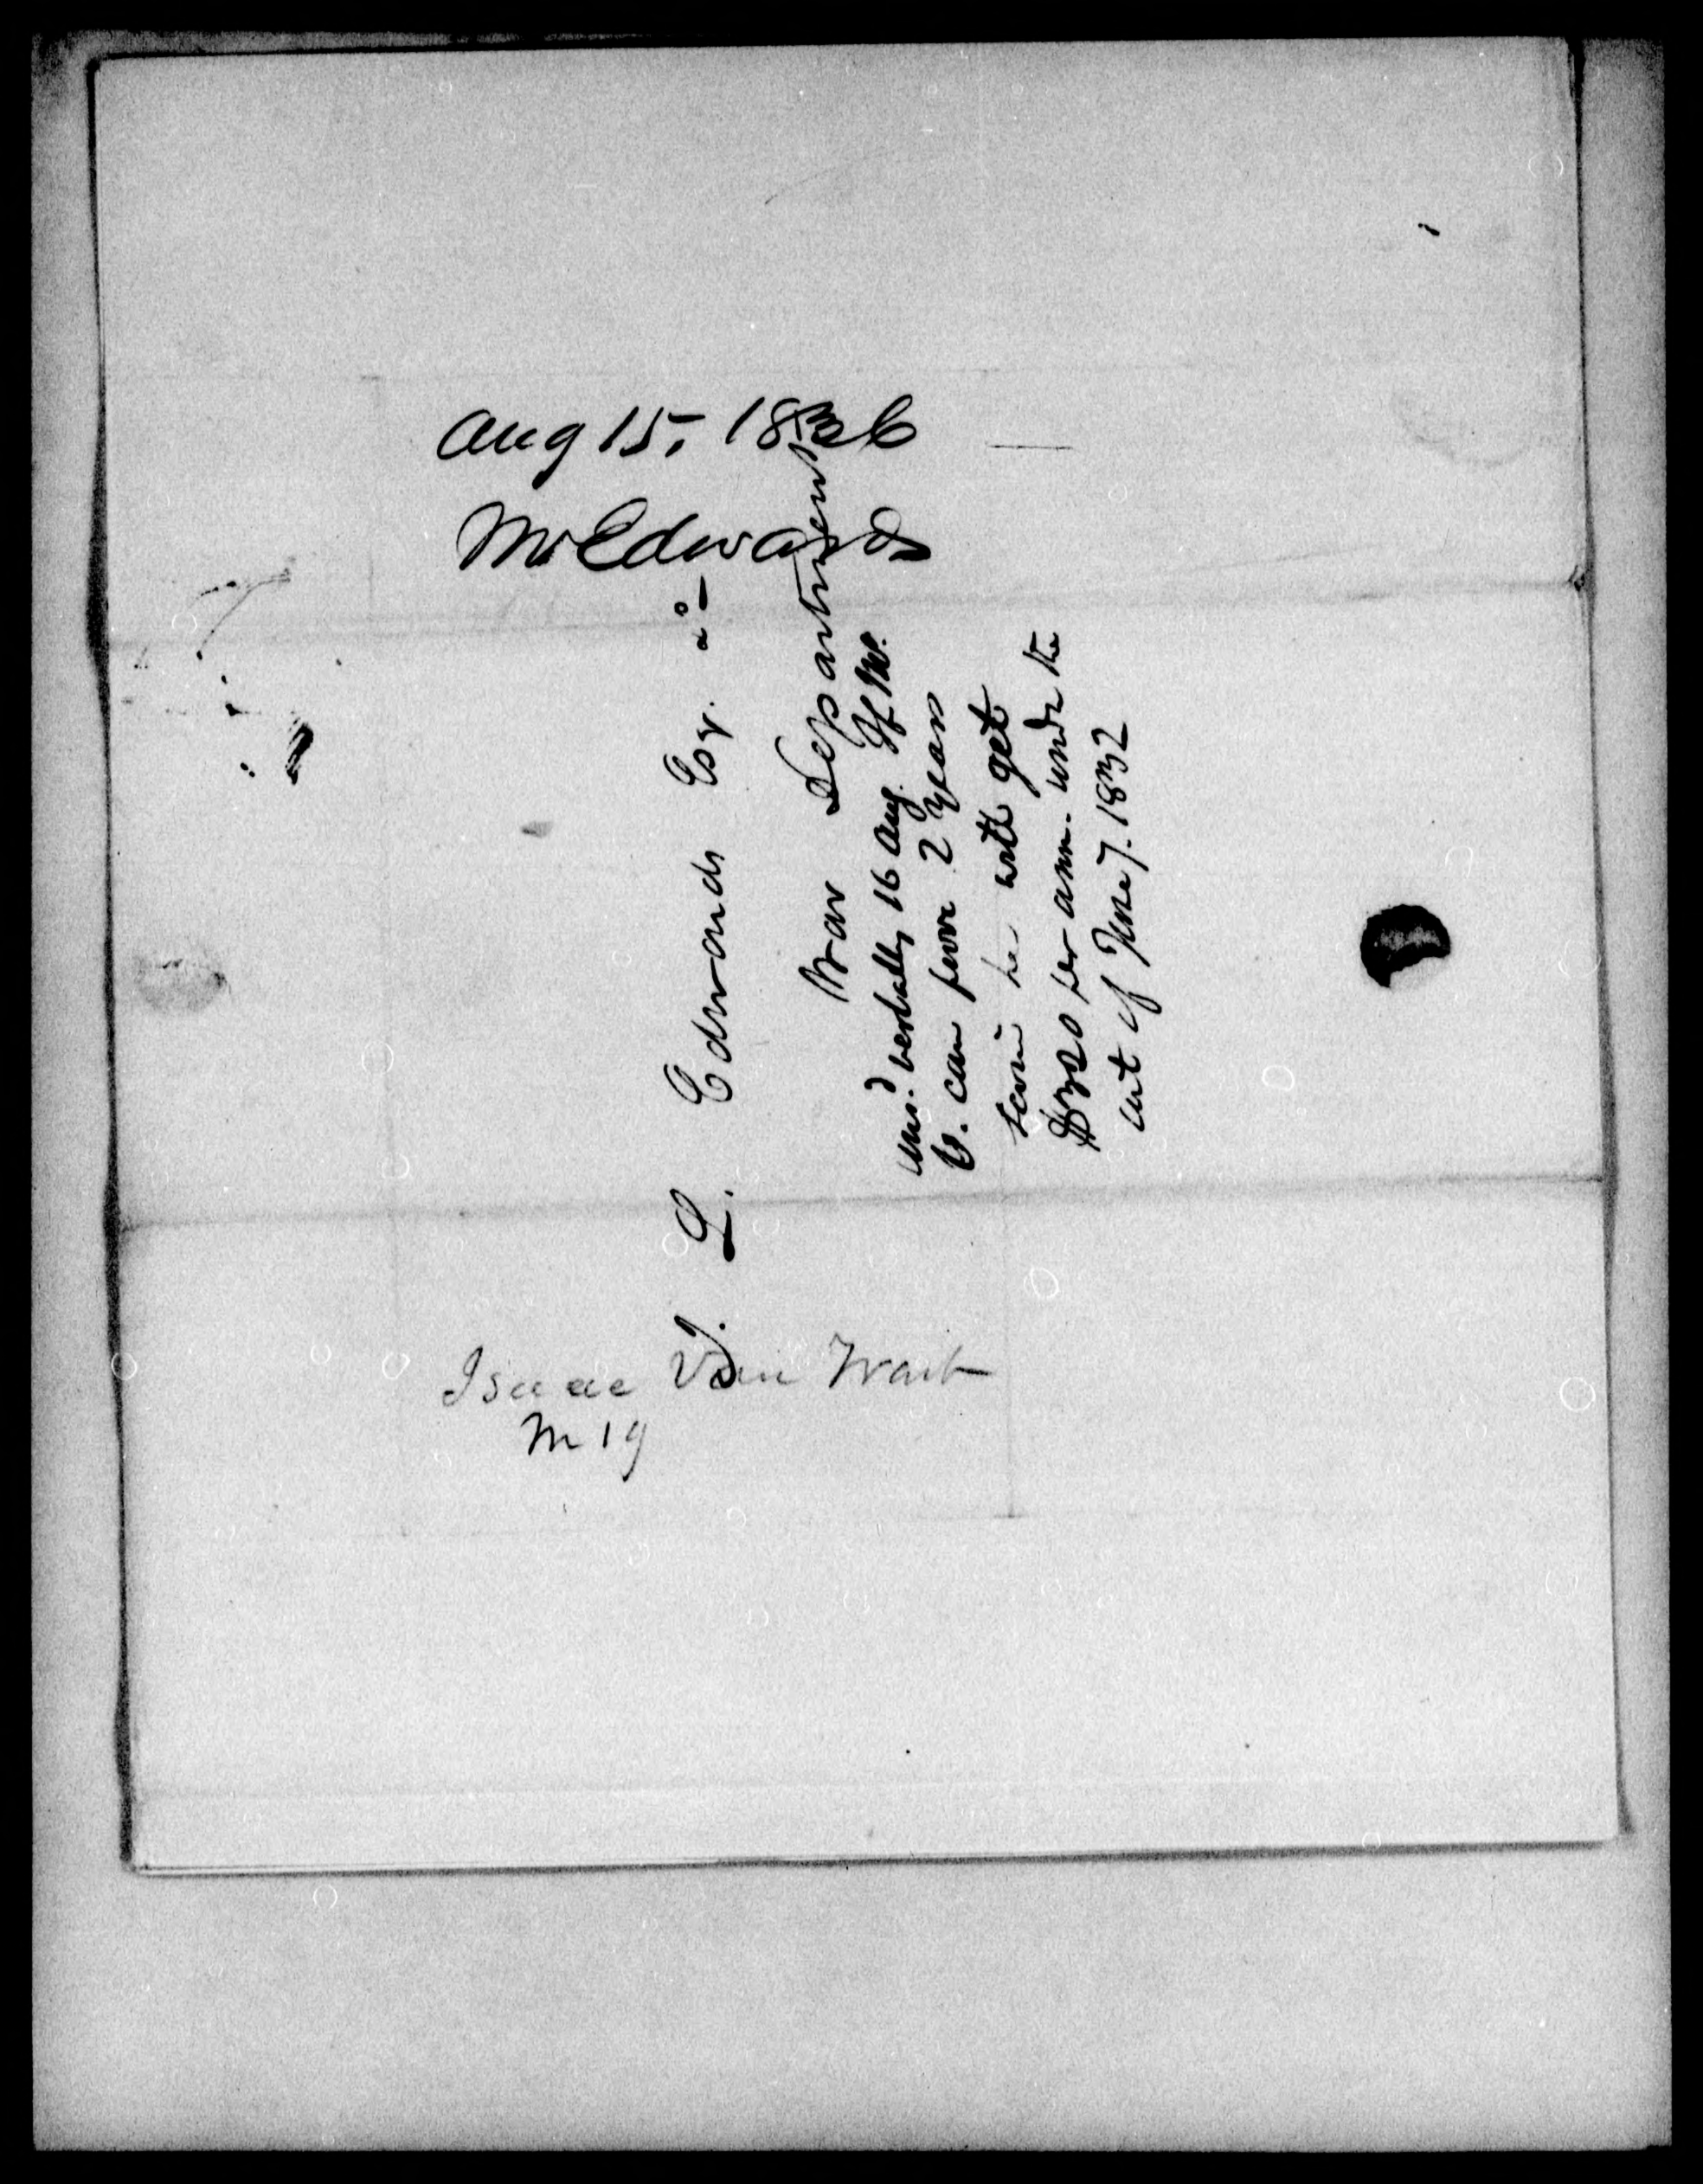Aug 15, 1836 
Mr Edwards 

[addressee]
J. L. Edwards Esq 
War Department

[comment on envelope]
Ans? verbally 16 Aug. If Mr. V. can prove 2 years service he will get $320 per ann under the act of June 7, 1832

Isaac Van Wart M19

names: Isaac Van Wart, Edwards, J L Edwards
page: 43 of 102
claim: widow's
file: W. 18239, Isaac Van Wart, New York